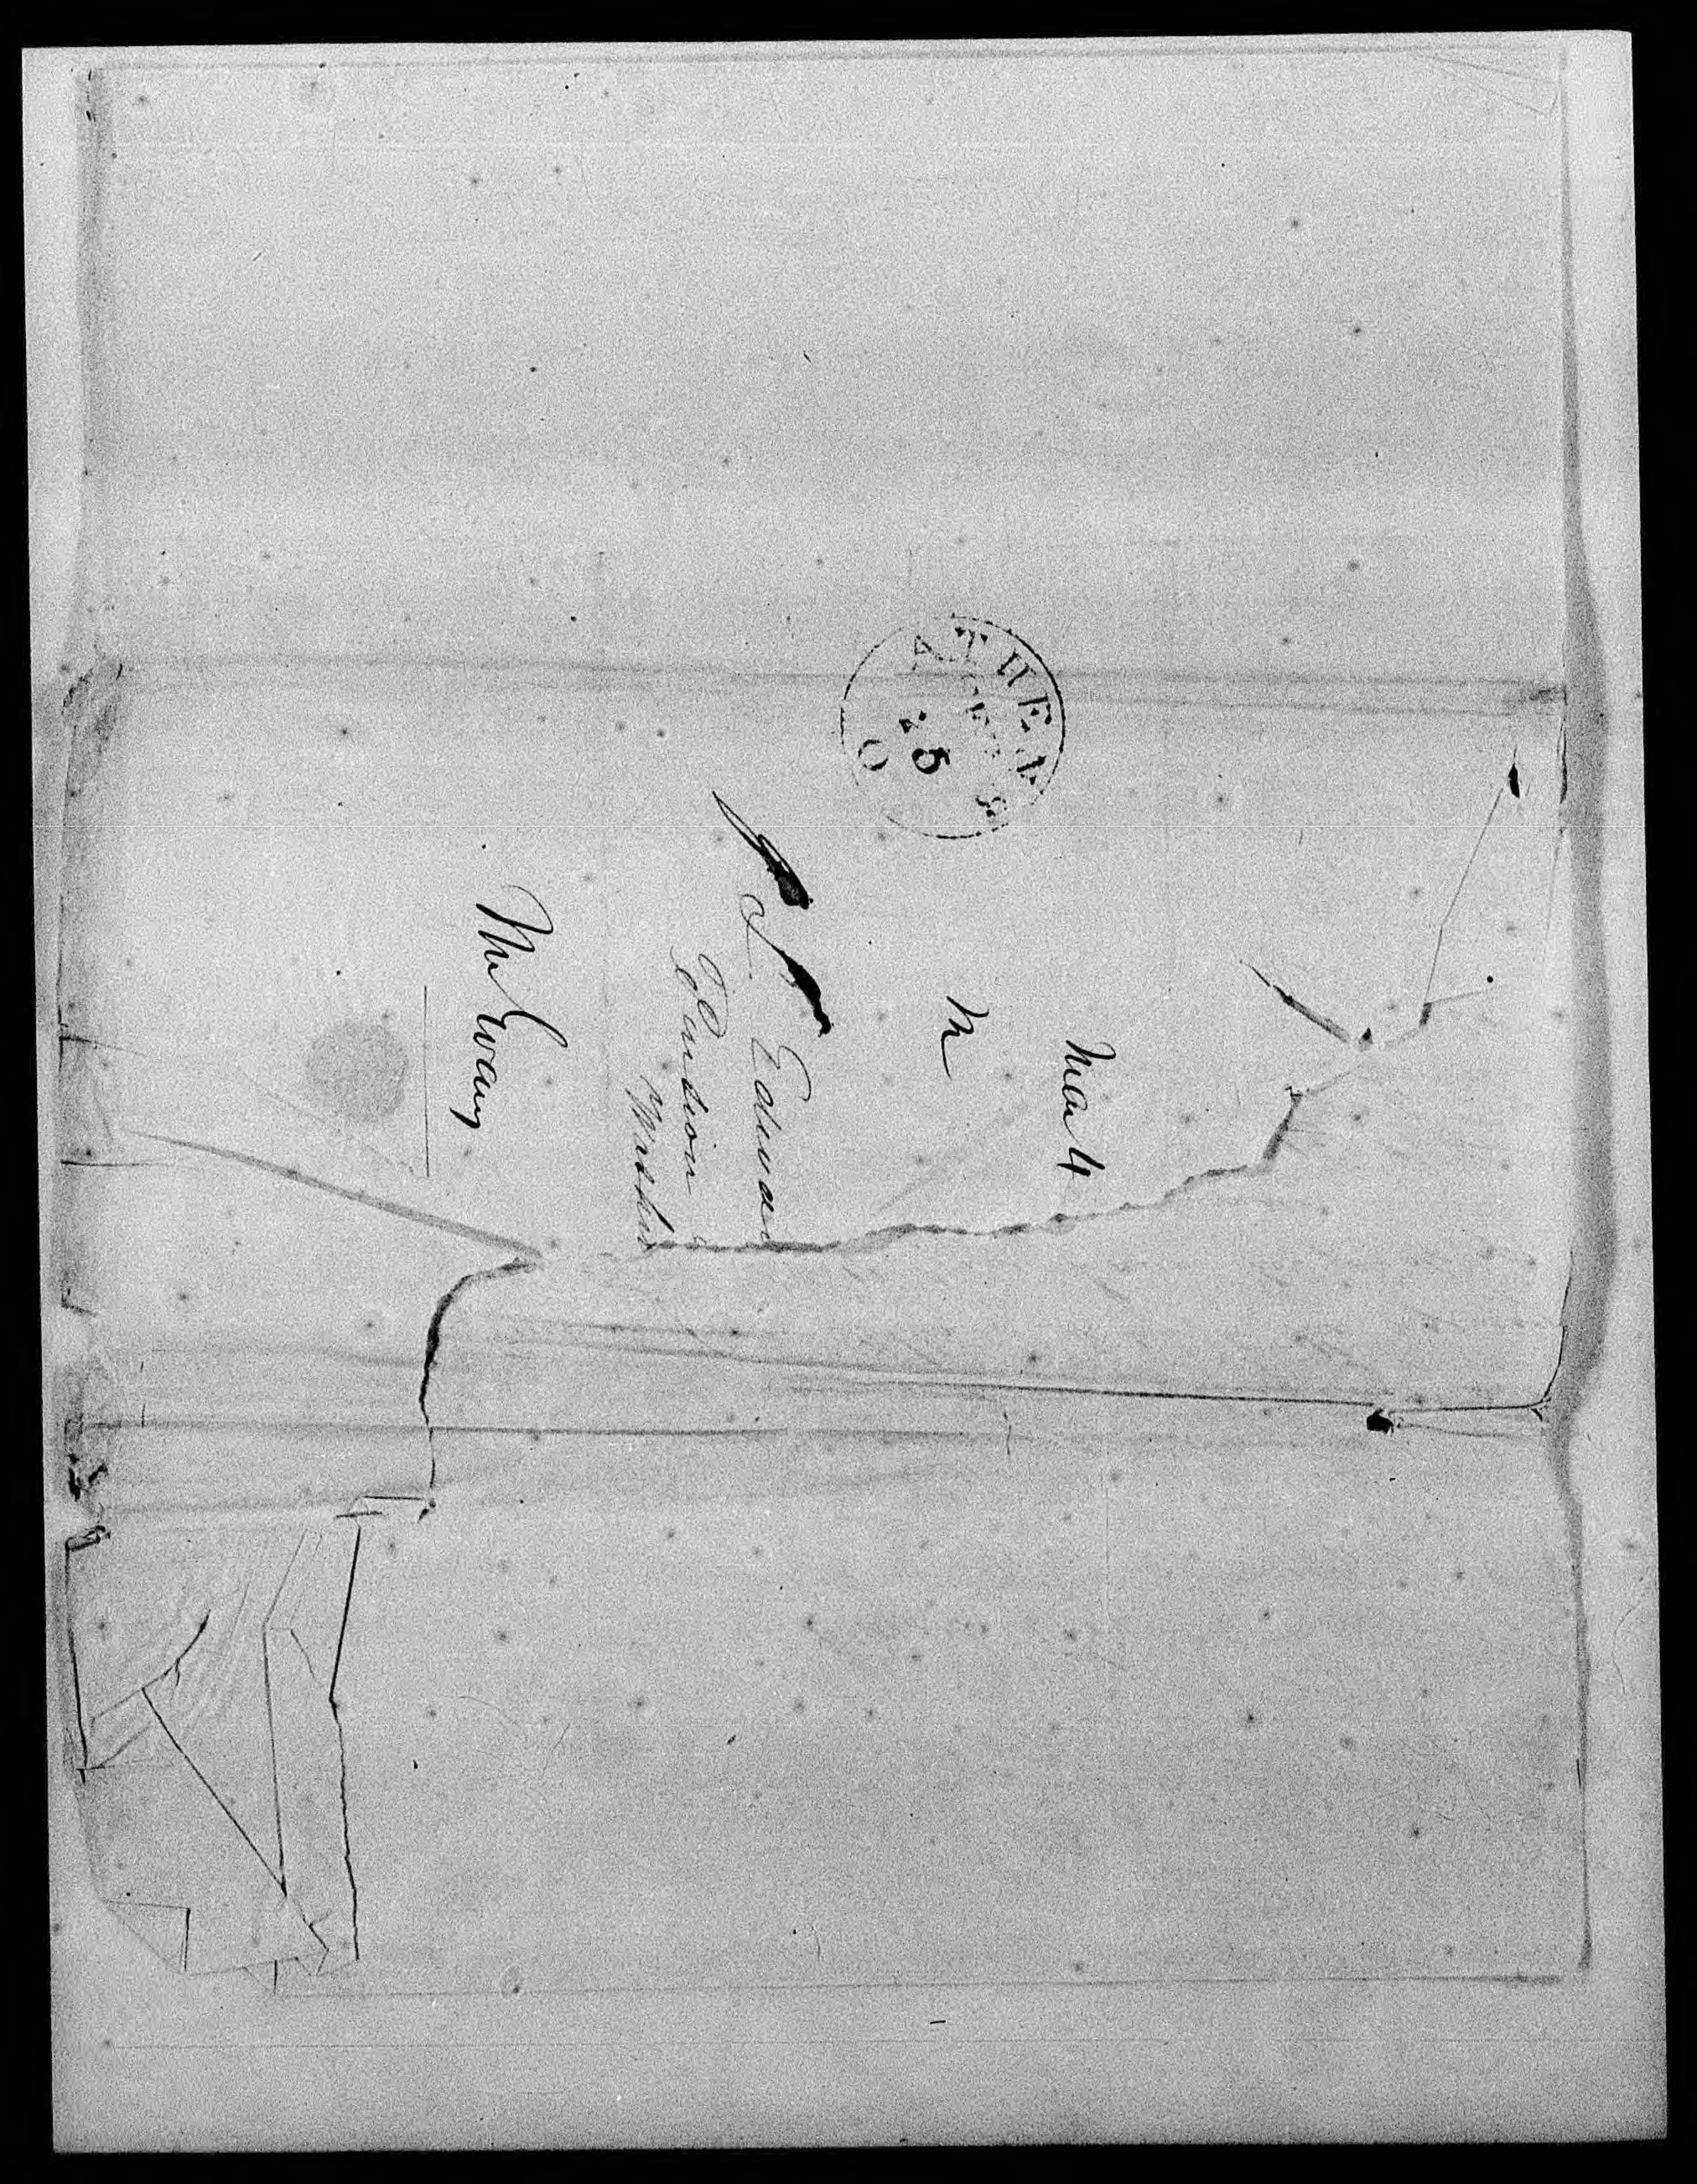Stamp mark:
ATHENS
[illegible]
25
O

Mar 4

M

J L Edwards
Pensions
Washin

Mr Evan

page: 26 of 50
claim: widow's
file: W. 4253, for John Kent, Vermont